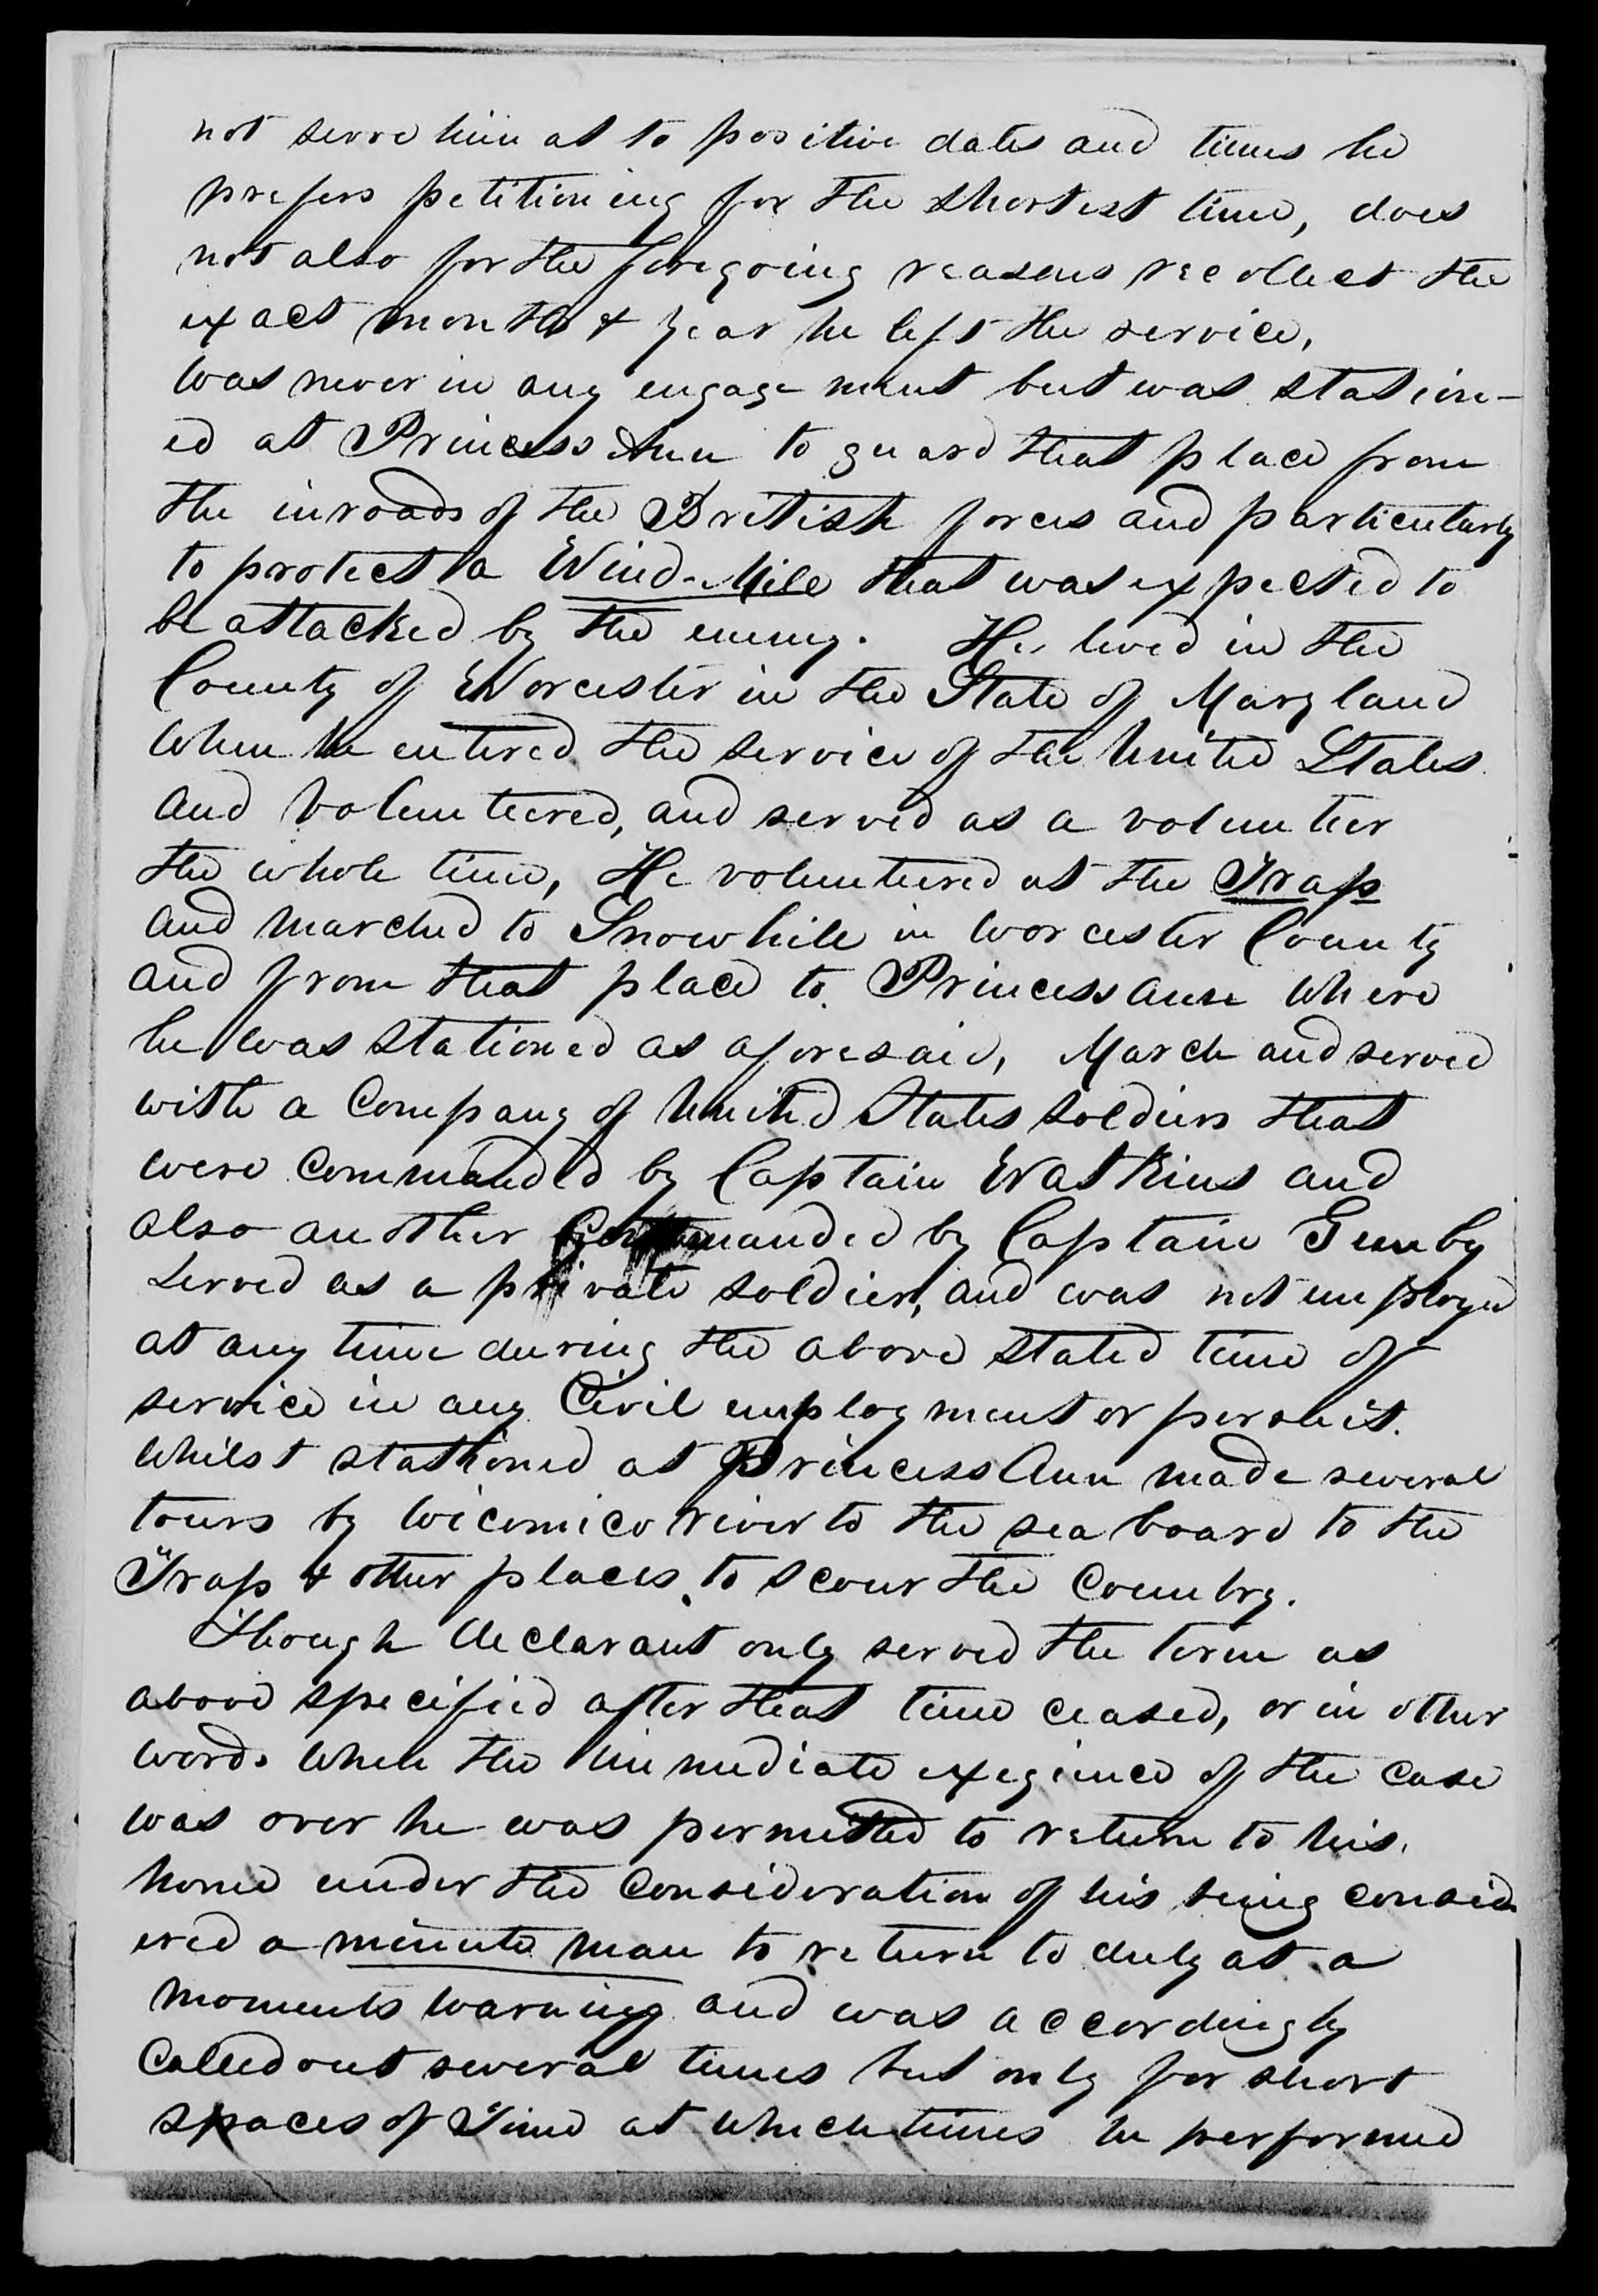not serve him as to positive dates and times he
prefers petitioning for the shortest time, does
not also for the foregoing reasons recollect the
exact month & year he left the service,
was never in any engage met but was station
at Princess Ann to guard that place from
the inroads of the British forces and particularly to protect to a Wind-mill that was expected to be attacked by the enemy.
He lived in the County of Worcester in the State of Maryland is when he entered the service of the United States
and volunteered, and served as a volunteer
the whole time, He volunteered at the Trap
and marched to Snowhill in Worcester County
and from that place to Princess Ann where
he was stationed as aforesaid, March and served with a company of United States soldiers that were commanded by Captain Watkins and also another commanded by Captain Gunby served as a private soldier, and was not employed at any time during the above stated time of service in any civil employment or persuit. [pursuit]
While stationed at Princess And made several
tours by Wicomico river to the sea board to the Trap & other places to scour the Country.
Though declarant only served the term as
above specified after that time ceased, or in other words where the immediate exigence of the case
was over he was permitted to return to his
home under the consideration of his being considered a minute man to return to duty at a moments warning and was accordingly
called out several times but only for short
space of time at which time he performed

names: Watkins, Gunby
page: 3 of 14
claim: rejected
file: R. 2,877, Josiah Dennis, Md.